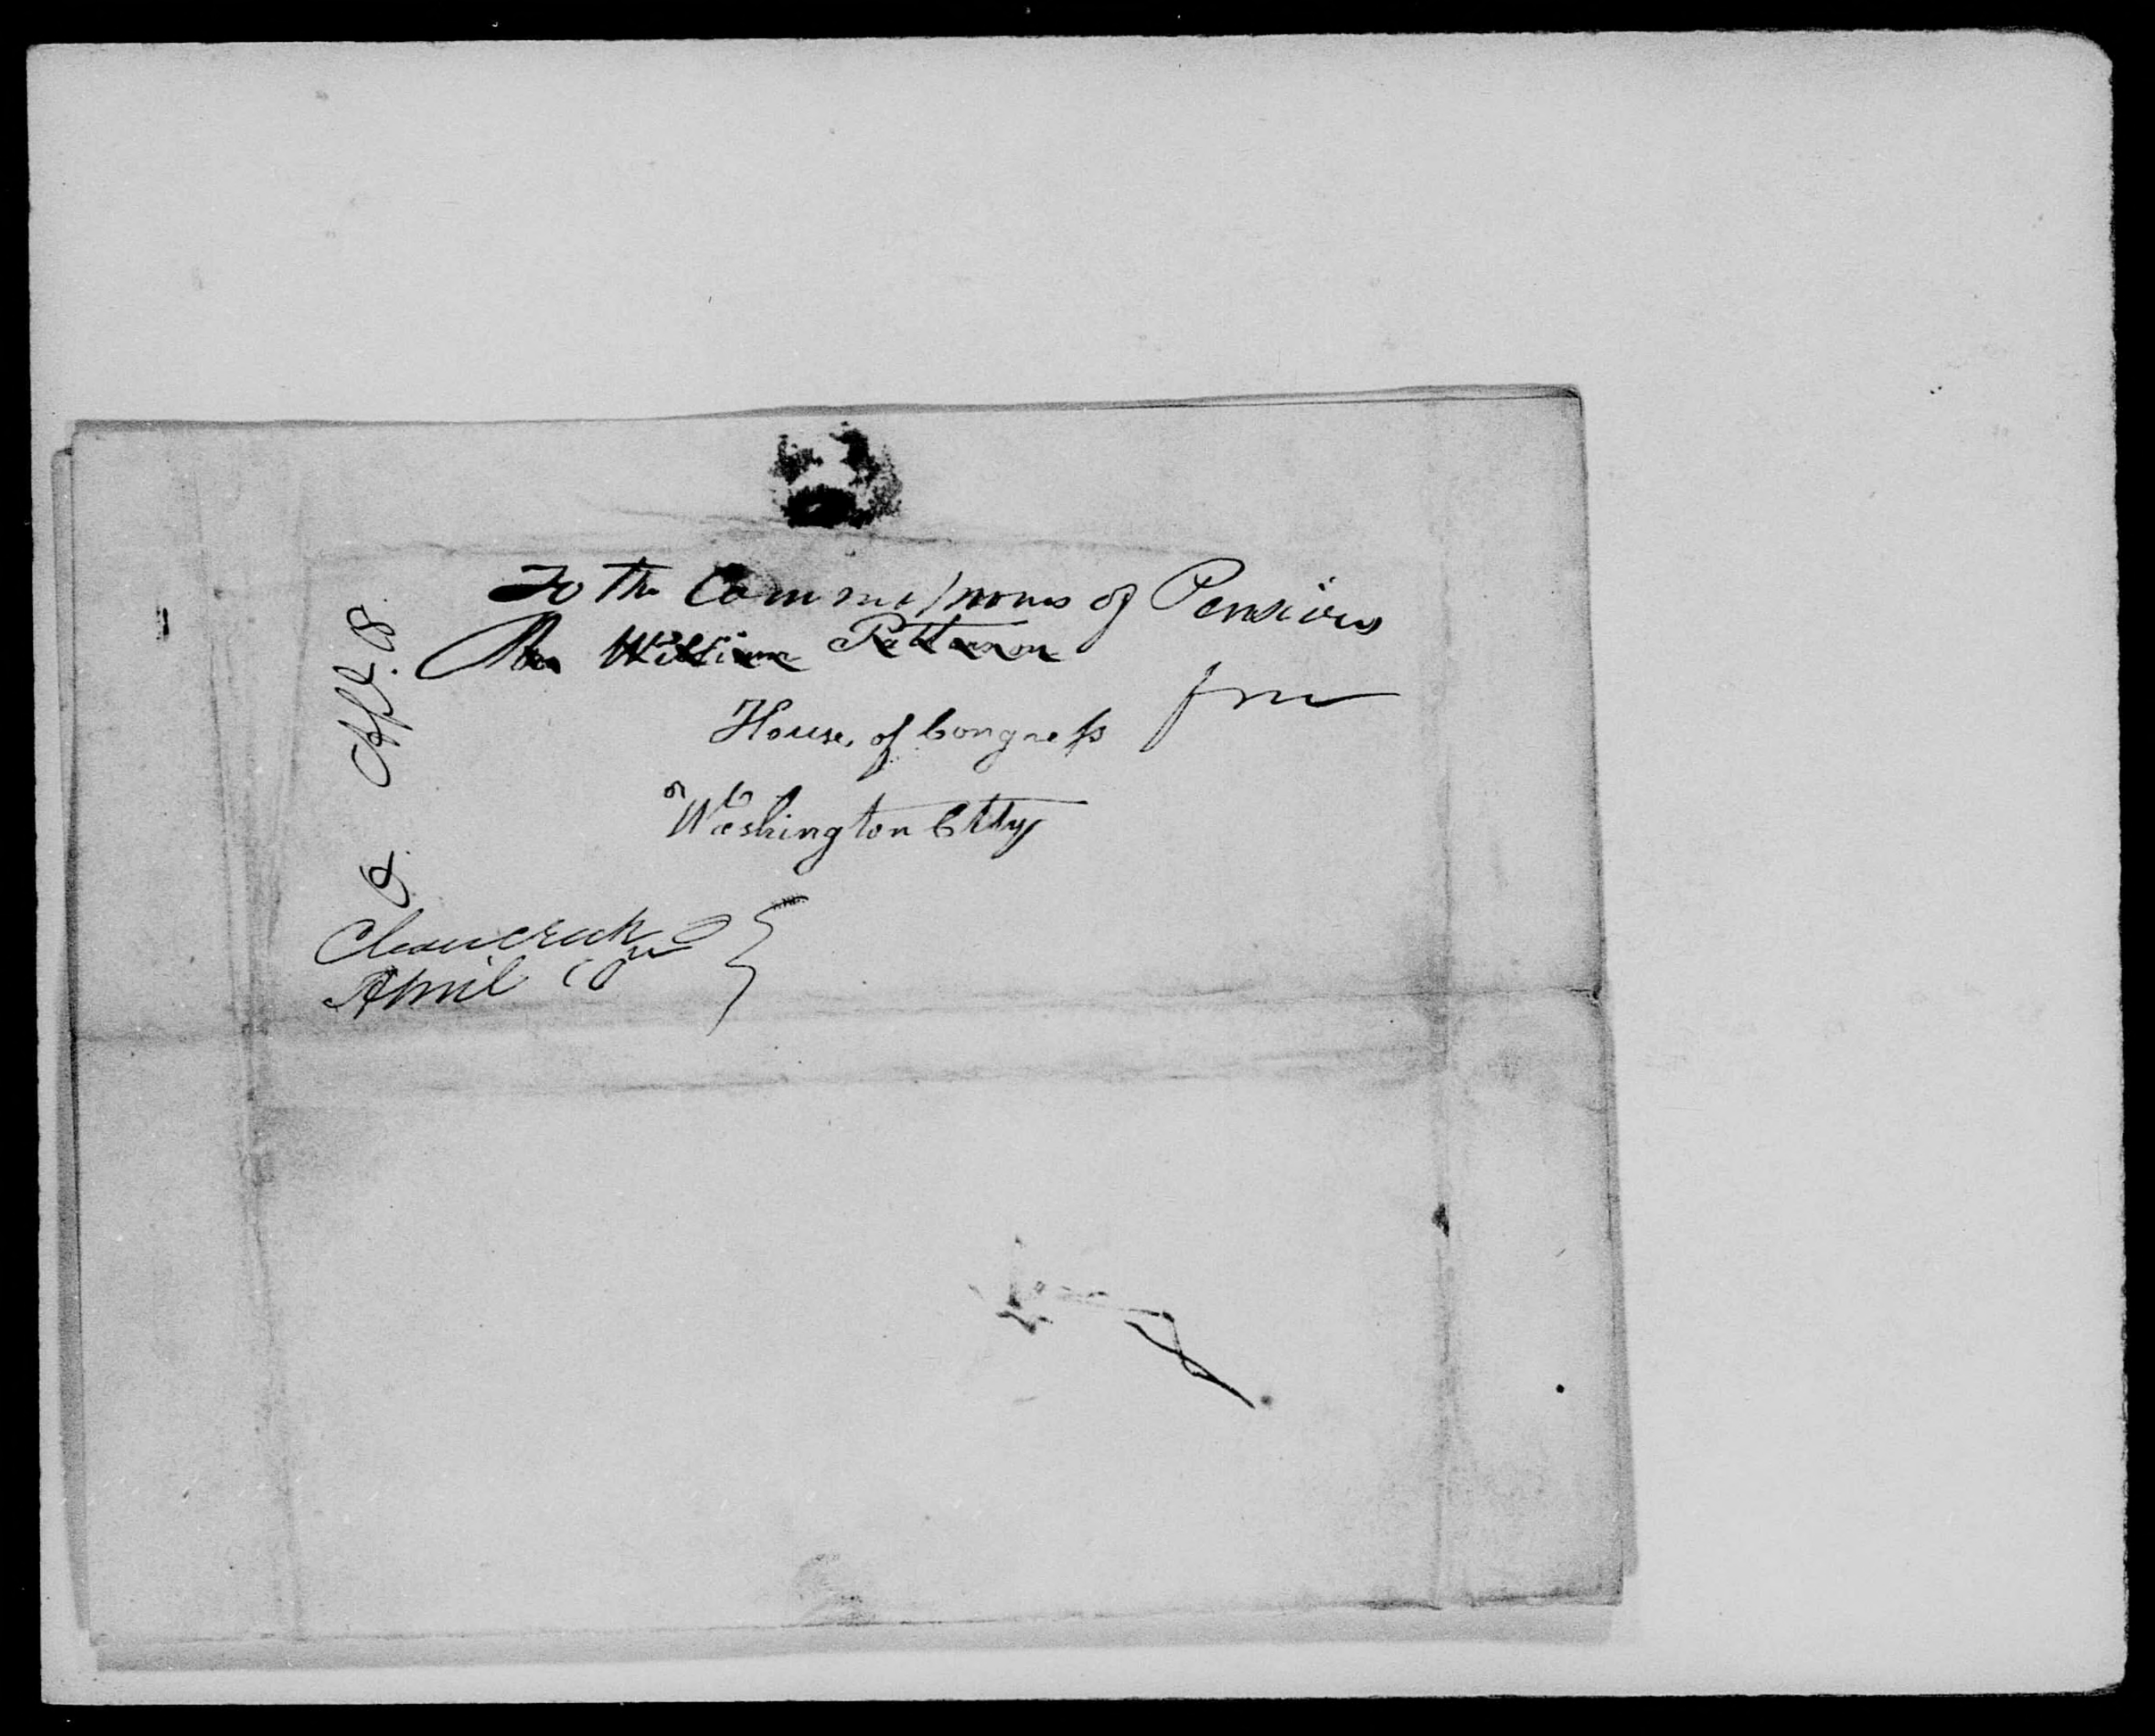[illegible sideways text in upper left hand side]

To the Commissioners of Pensions

Hon. William Patterson

House of Congress [illegible]
Washington City

[illegible]
April 10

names: William Patterson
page: 10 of 33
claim: survivor's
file: S. 9587, William Holson, Va.